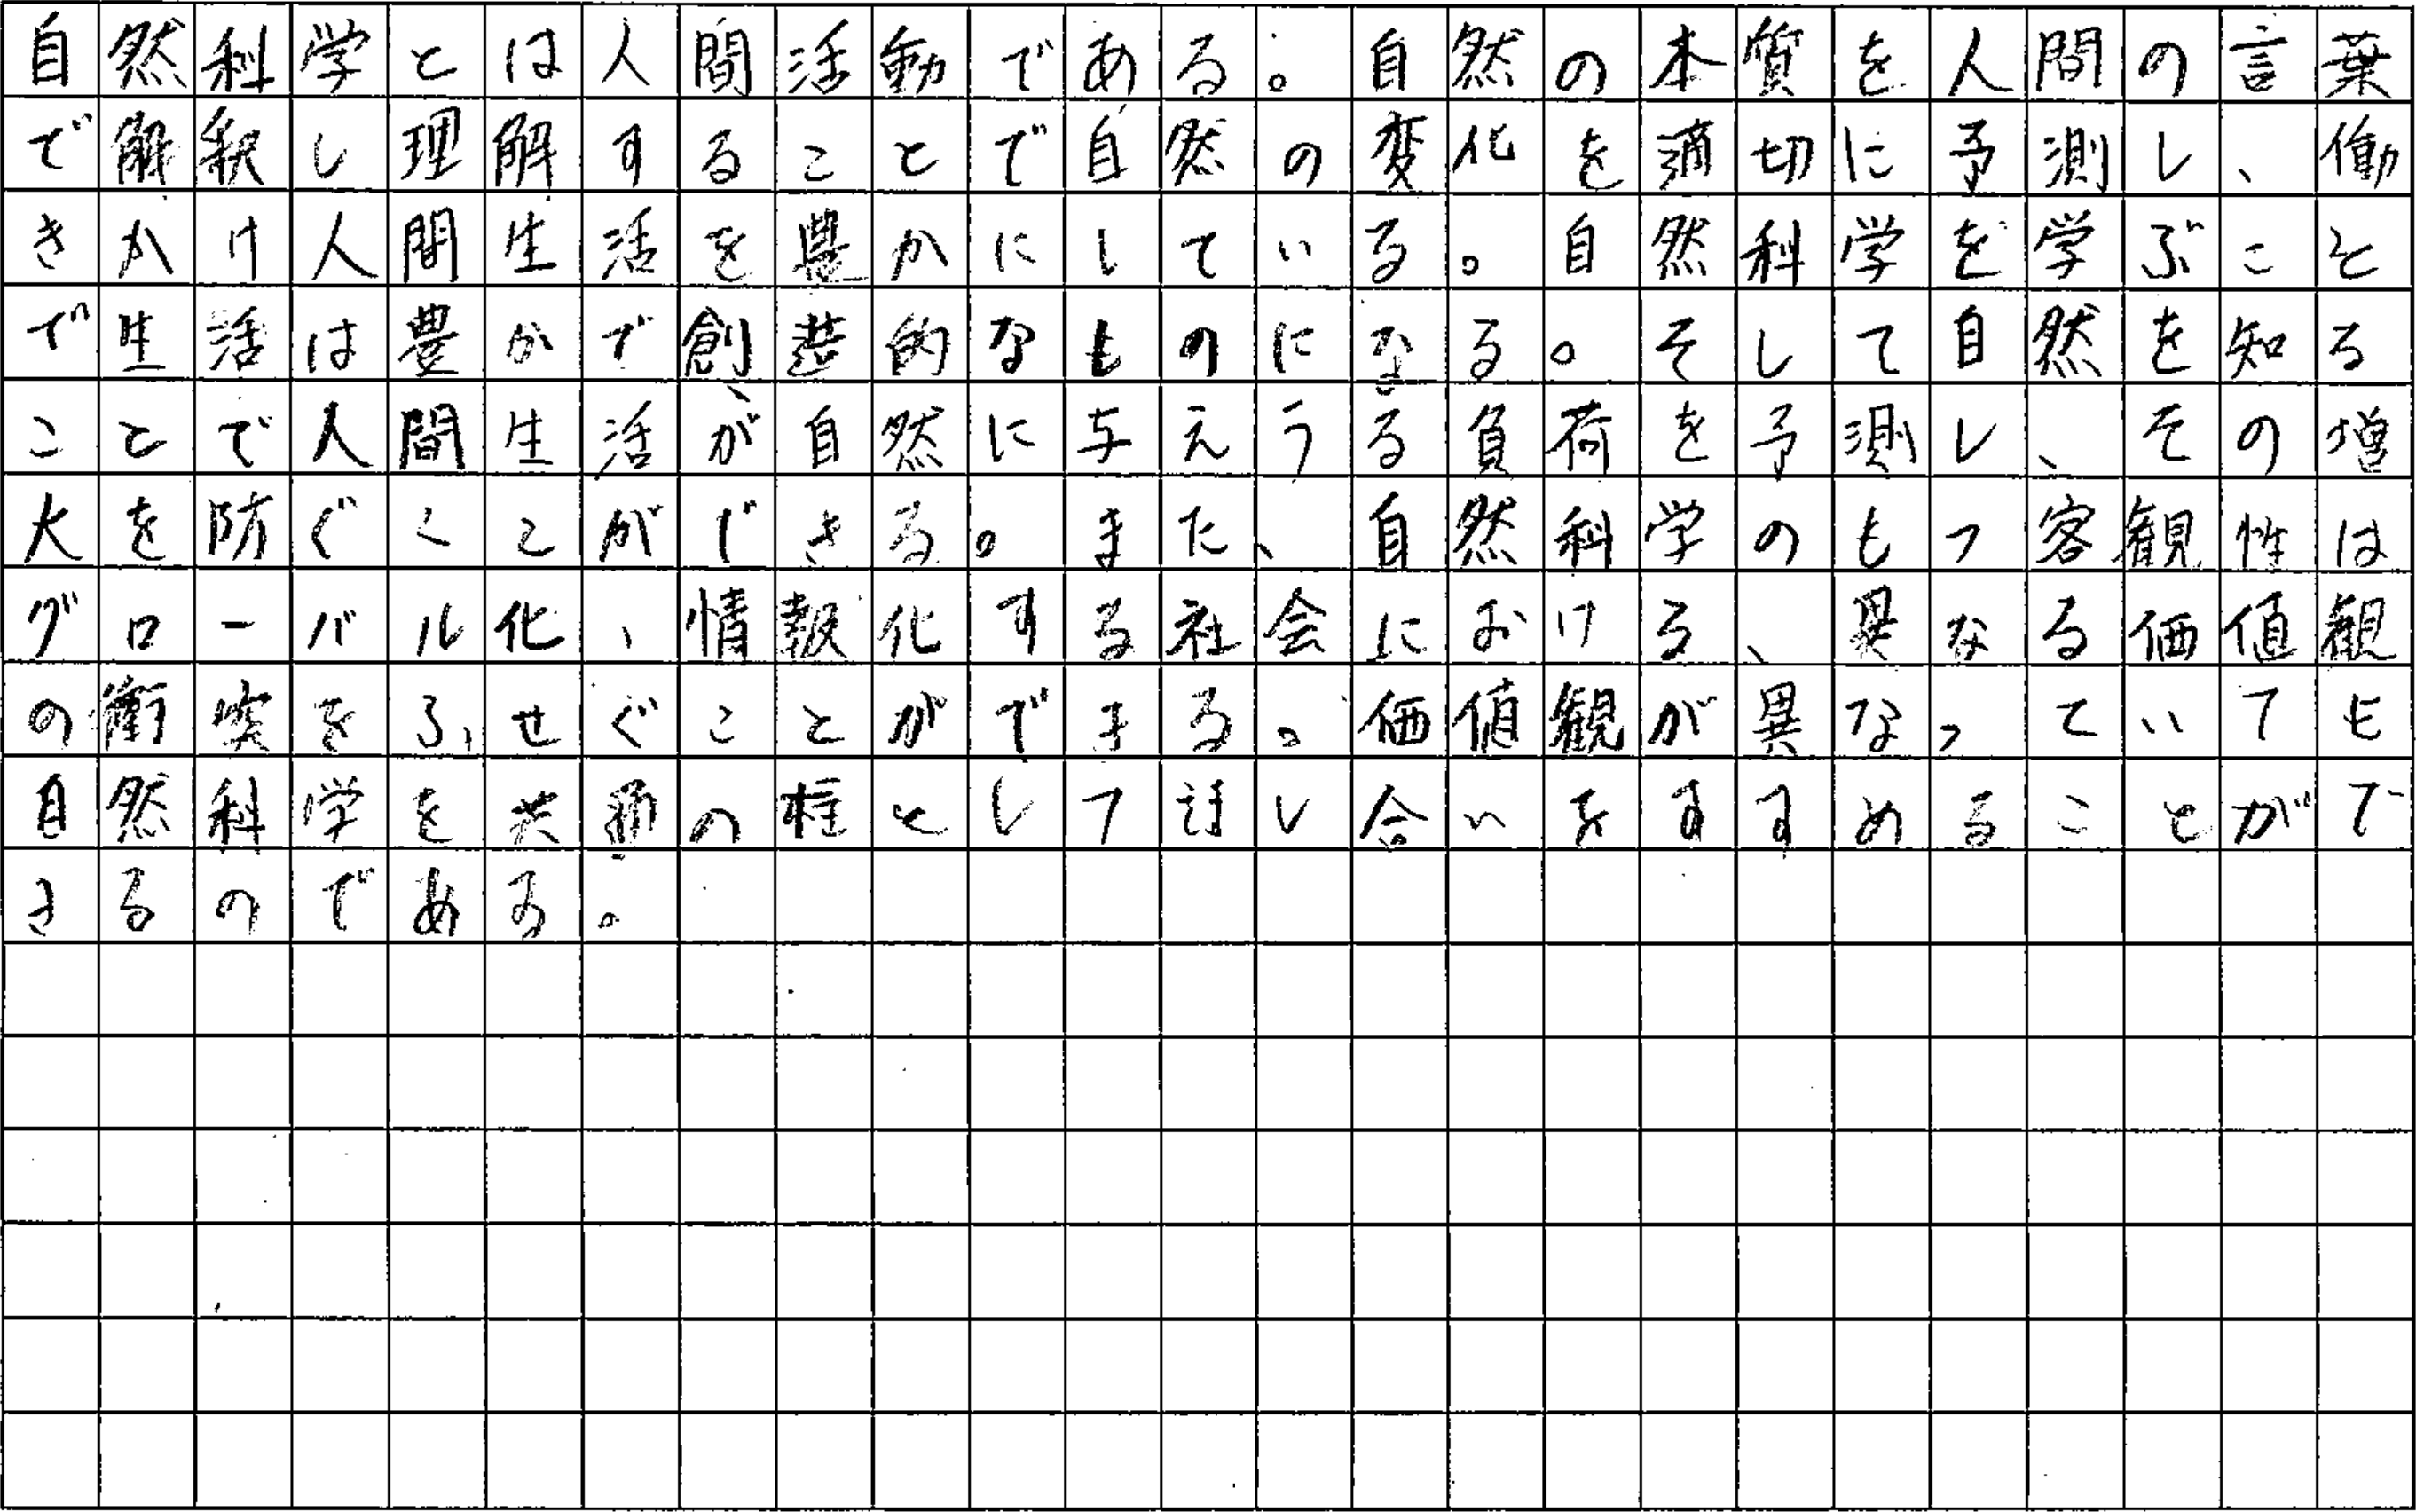自然科学とは人間活動である。自然の本質を人間の言葉で解釈し理解することで自然の変化を適切に予測し、働きかけ人間生活を豊かにしている。自然科学を学ぶことで生活は豊かで創造的なものになる。そして自然を知ることで人間生活が自然に与えうる負荷を予測し、その増大を防ぐことができる。また、自然科学のもつ客観性はグローバル化、情報化する社会における、異なる価値観の衝突をふせぐことができる。価値観が異なっていても自然科学を共通の柱として話し合いをすすめることができるのである。
